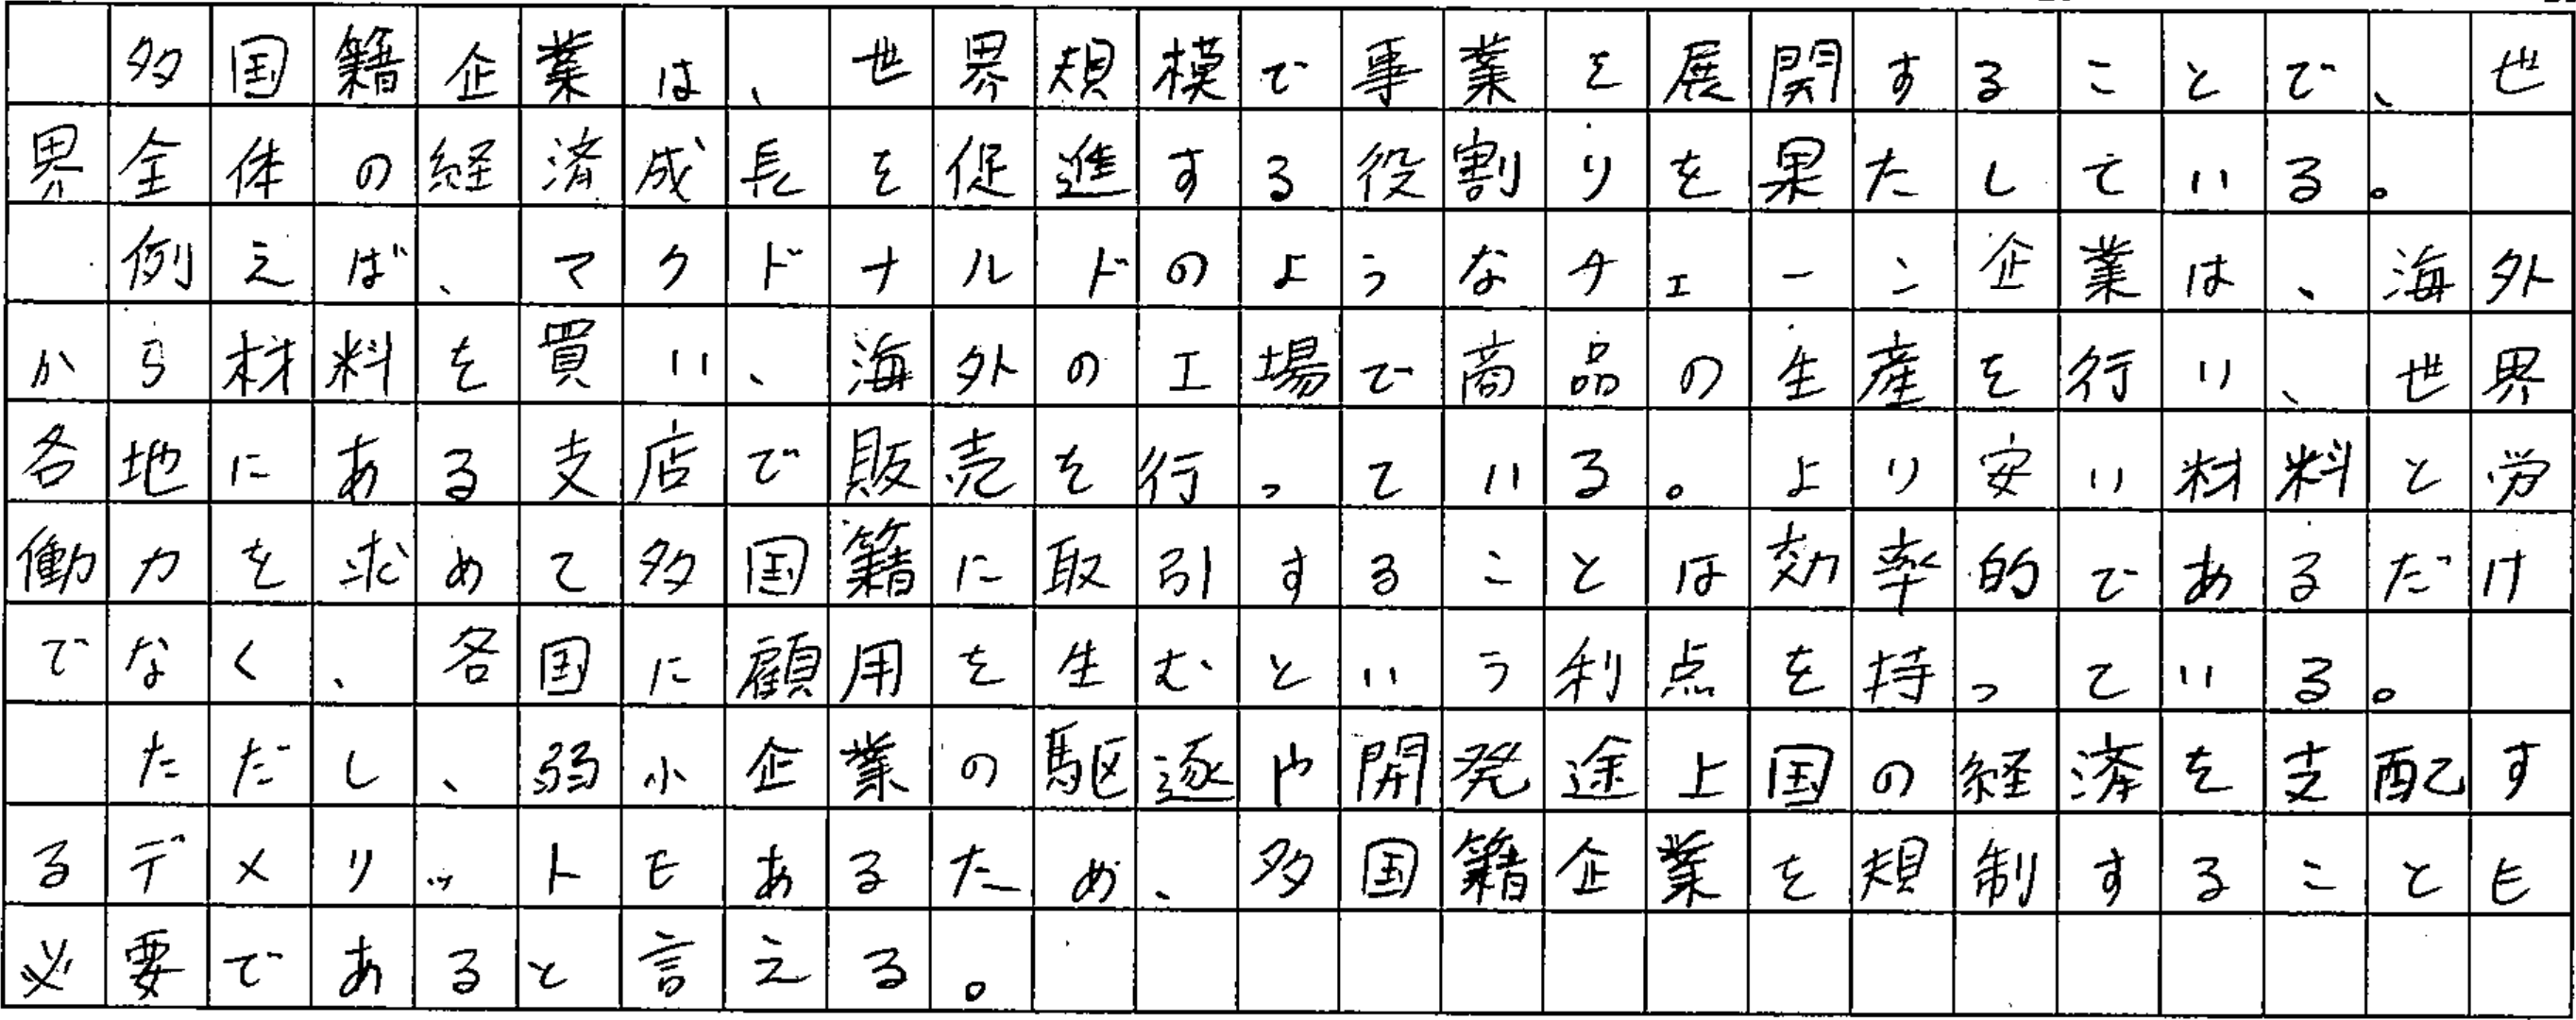　多国籍企業は、世界規模で事業を展開することで、世界全体の経済成長を促進する役割りを果たしている。
　例えば、マクドナルドのようなチェーン企業は、海外から材料を買い、海外の工場で商品の生産を行い、世界各地にある支店で販売を行っている。より安い材料と労働力を求めて多国籍に取引することは効率的であるだけでなく、各国に顧用を生むという利点を持っている。
　ただし、弱小企業の駆逐や開発途上国の経済を支配するデメリットもあるため、多国籍企業を規制することも必要であると言える。
